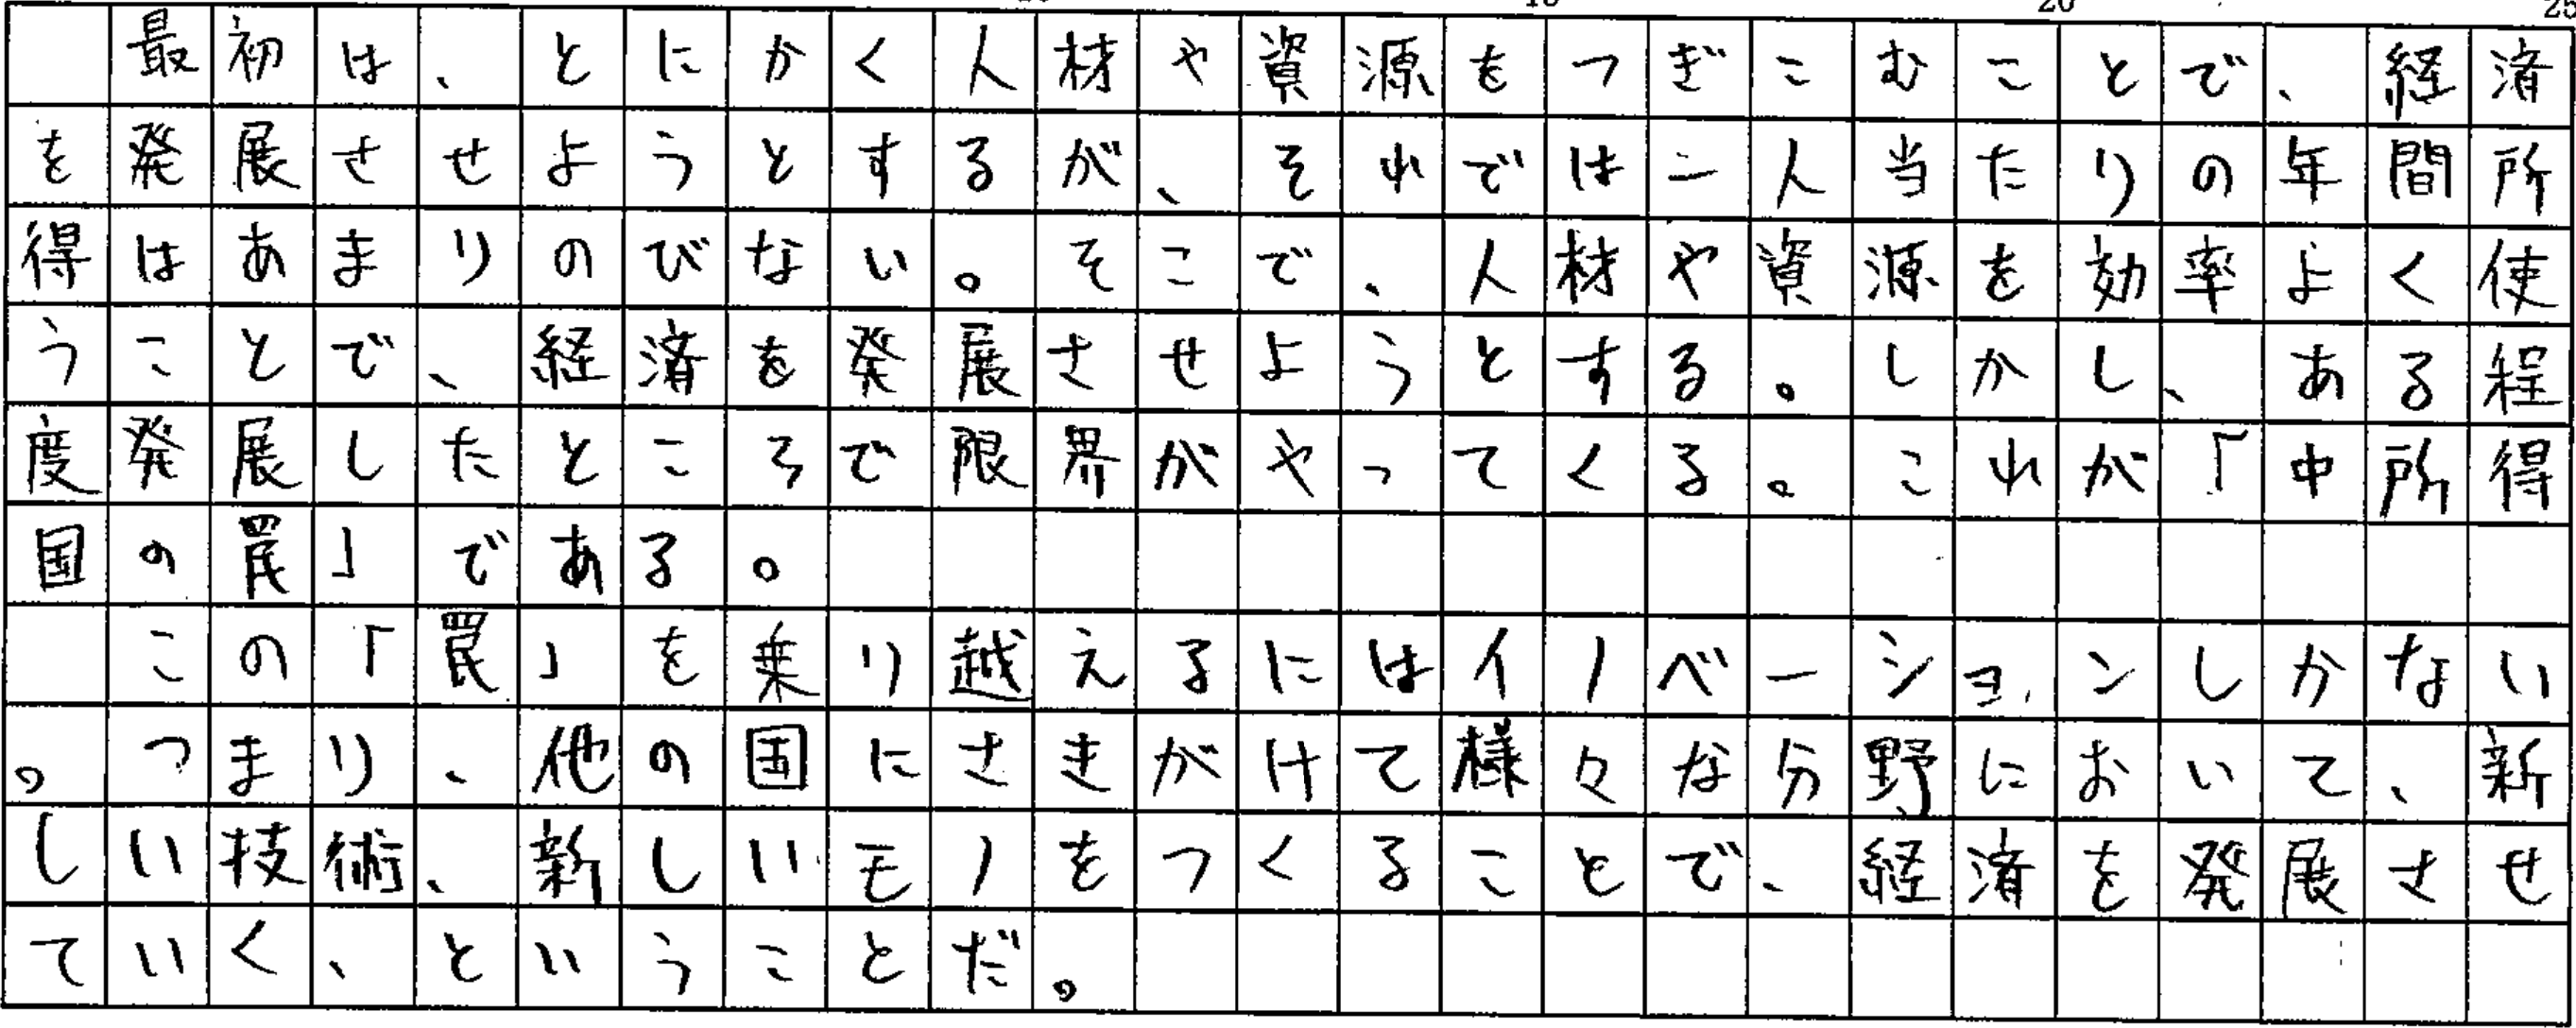　最初は、とにかく人材や資源をつぎこむことで、経済を発展させようとするが、それでは一人当たりの年間所得はあまりのびない。そこで、人材や資源を効率よく使うことで、経済を発展させようとする。しかし、ある程度発展したところで限界がやってくる。これが「中所得国の罠」である。
　この「罠」を乗り越えるにはイノベーションしかない。つまり、他の国にさきがけて様々な分野において、新しい技術、新しいモノをつくることで、経済を発展させていく、ということだ。
